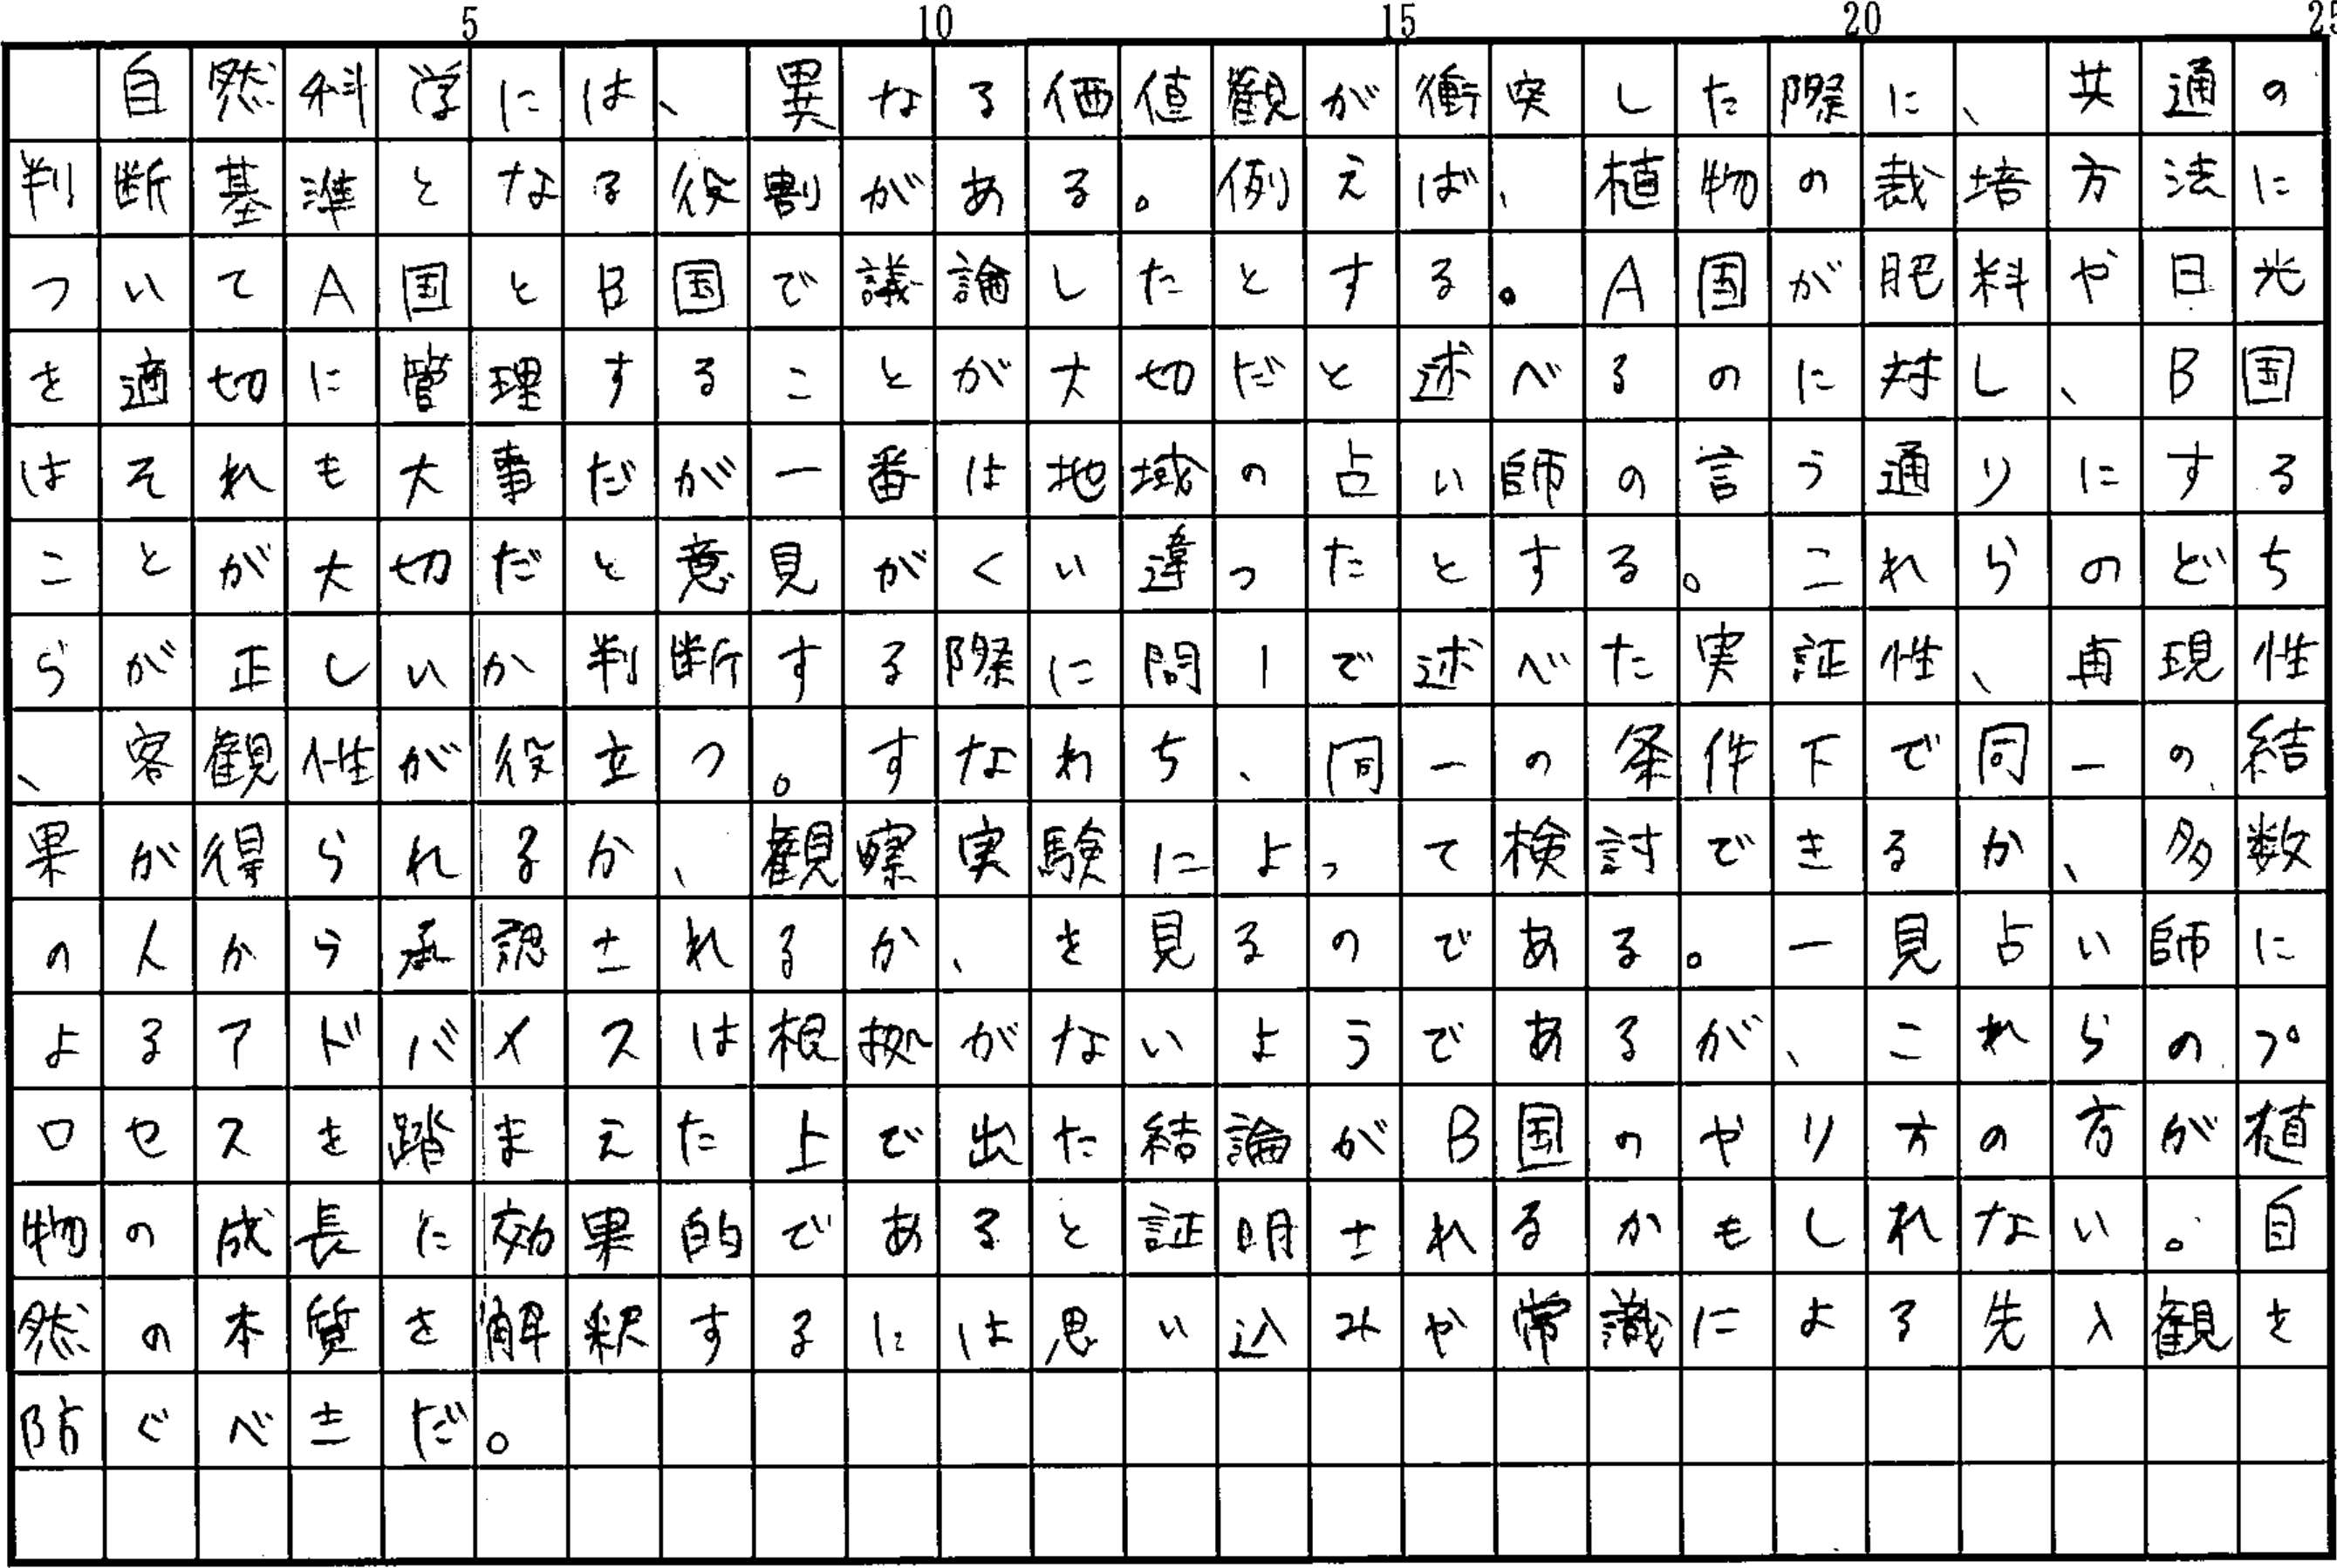　自然科学には、異なる価値観が衝突した際に、共通の判断基準となる役割がある。例えば、植物の栽培方法についてＡ国とＢ国で議論したとする。Ａ国が肥料や日光を適切に管理することが大切だと述べるのに対し、Ｂ国はそれも大事だが一番は地域の占い師の言う通りにすることが大切だと意見がくい違ったとする。これらのどちらが正しいか判断する際に問１で述べた実証性、再現性、客観性が役立つ。すなわち、同一の条件下で同一の結果が得られるか、観察実験によって検討できるか、多数の人から承認されるか、を見るのである。一見占い師によるアドバイスは根拠がないようであるが、これらのプロセスを踏まえた上で出た結論がＢ国のやり方の方が植物の成長に効果的であると証明されるかもしれない。自然の本質を解釈するには思い込みや常識による先入観を防ぐべきだ。
